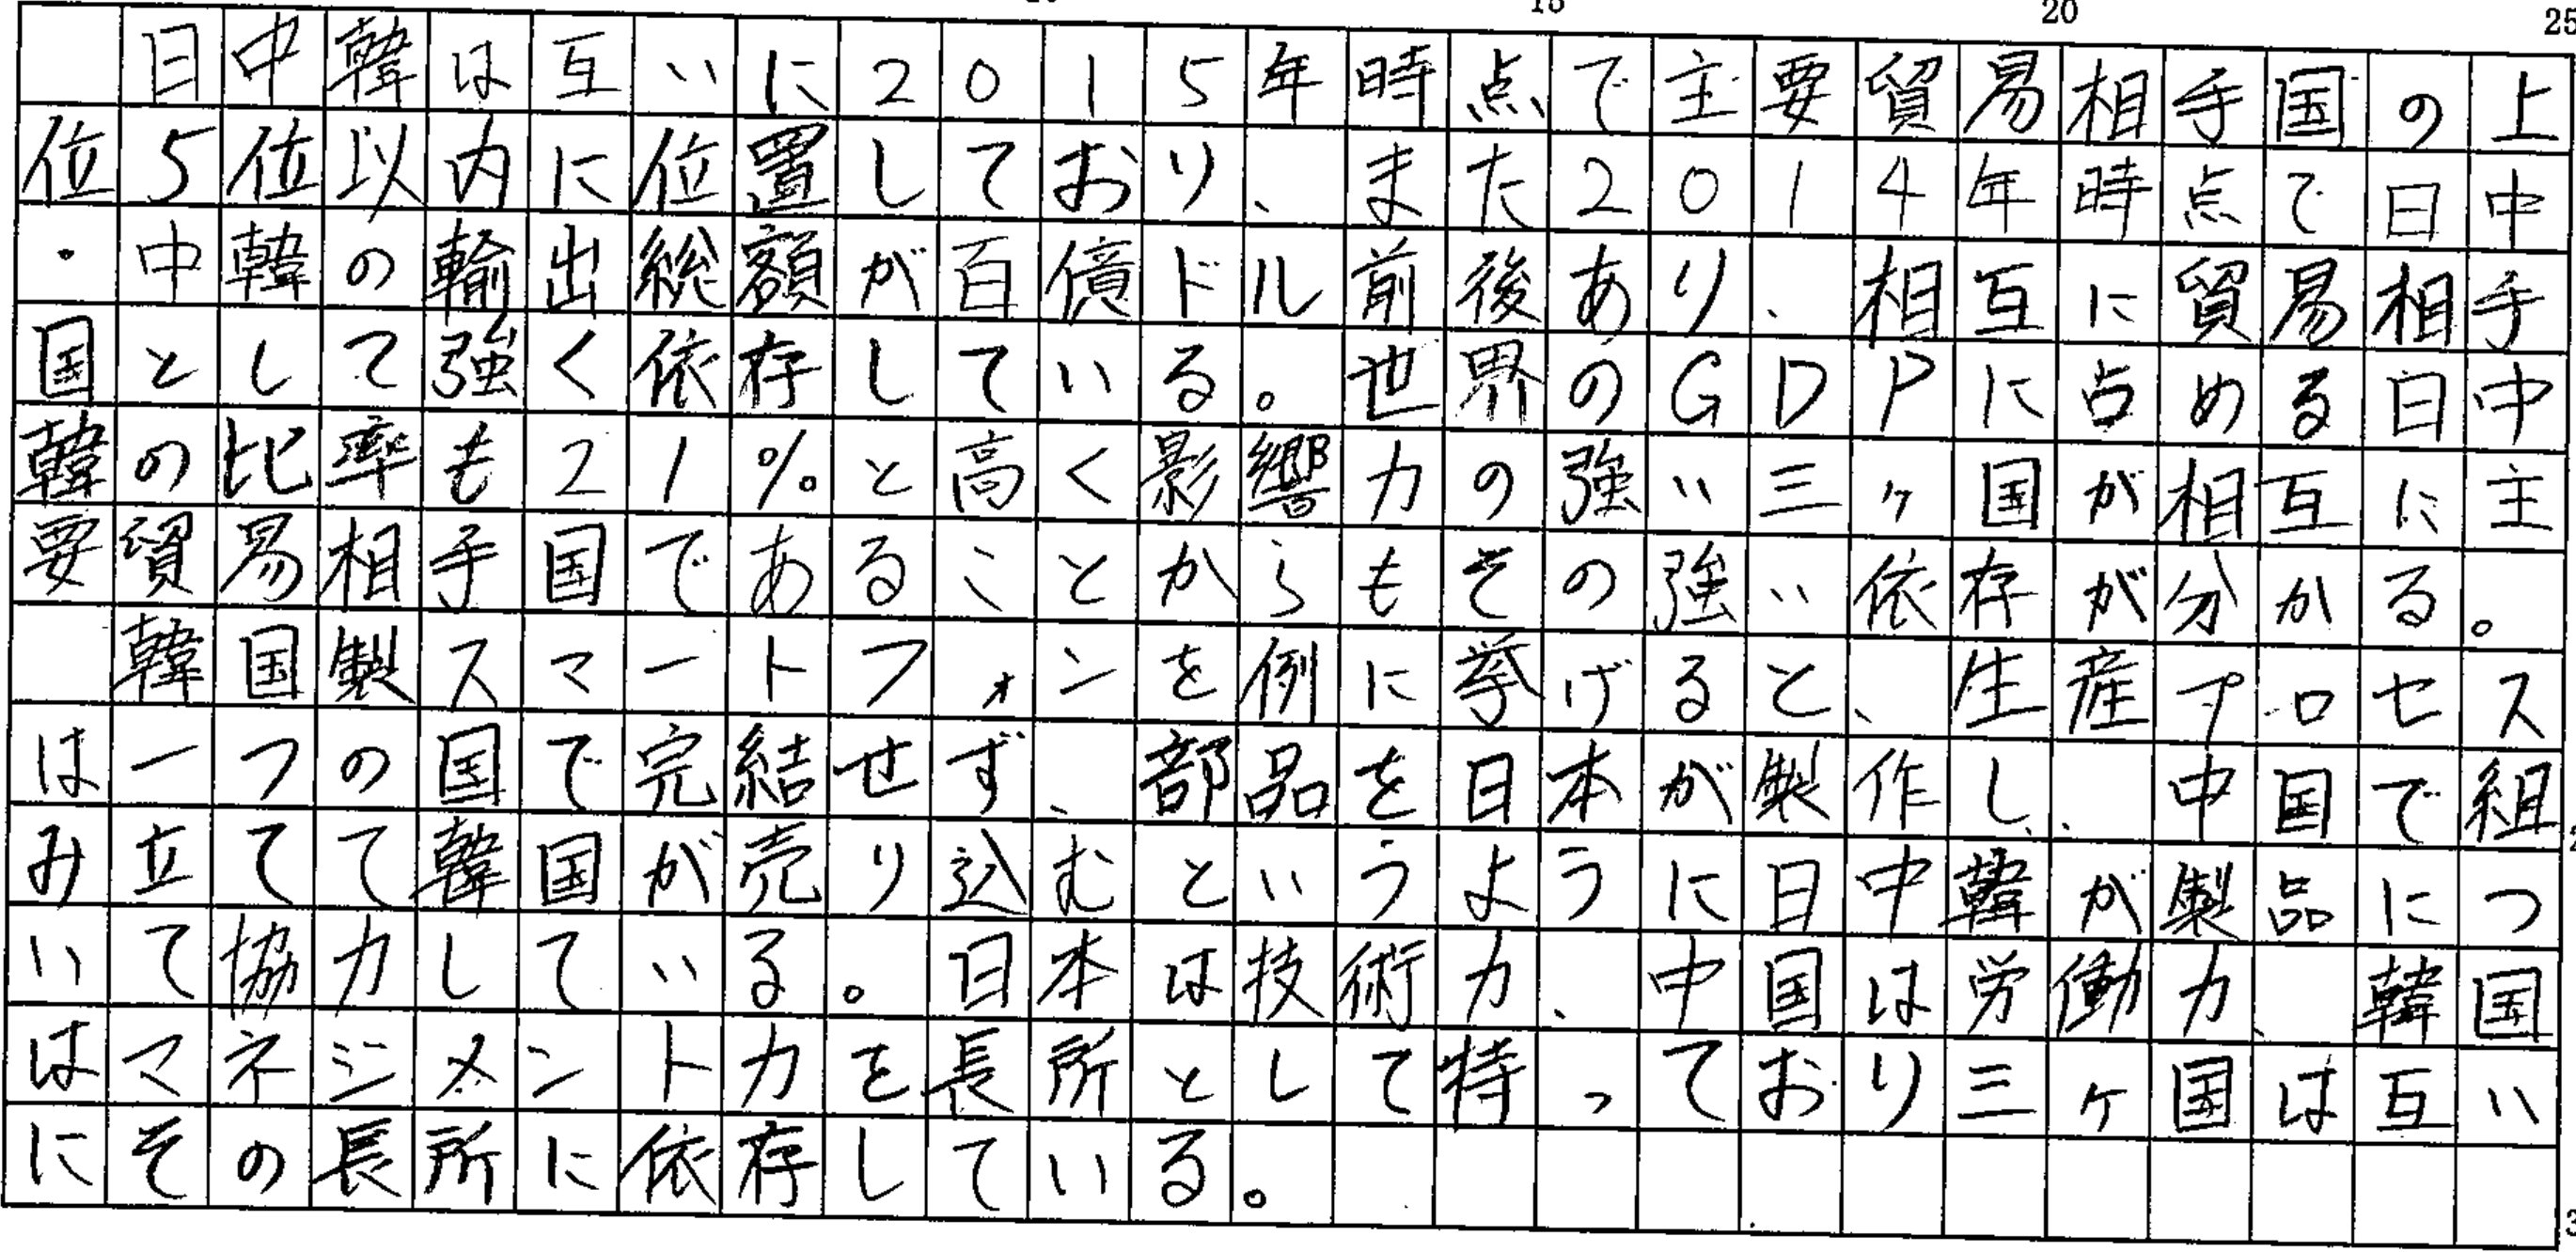　日中韓は互いに２０１５年時点で主要貿易相手国の上位５位以内に位置しており、また２０１４年時点で日中・中韓の輸出総額が百億ドル前後あり、相互に貿易相手国として強く依存している。世界のＧＤＰに占める日中韓の比率も２１％と高く影響力の強い三ヶ国が相互に主要貿易相手国であることからもその強い依存が分かる。
　韓国製スマートフォンを例に挙げると、生産プロセスは一つの国で完結せず、部品を日本が製作し、中国で組み立てて韓国が売り込むというように日中韓が製品について協力している。日本は技術力、中国は労働力、韓国はマネジメント力を長所として持っており三ヶ国は互いにその長所に依存している。
